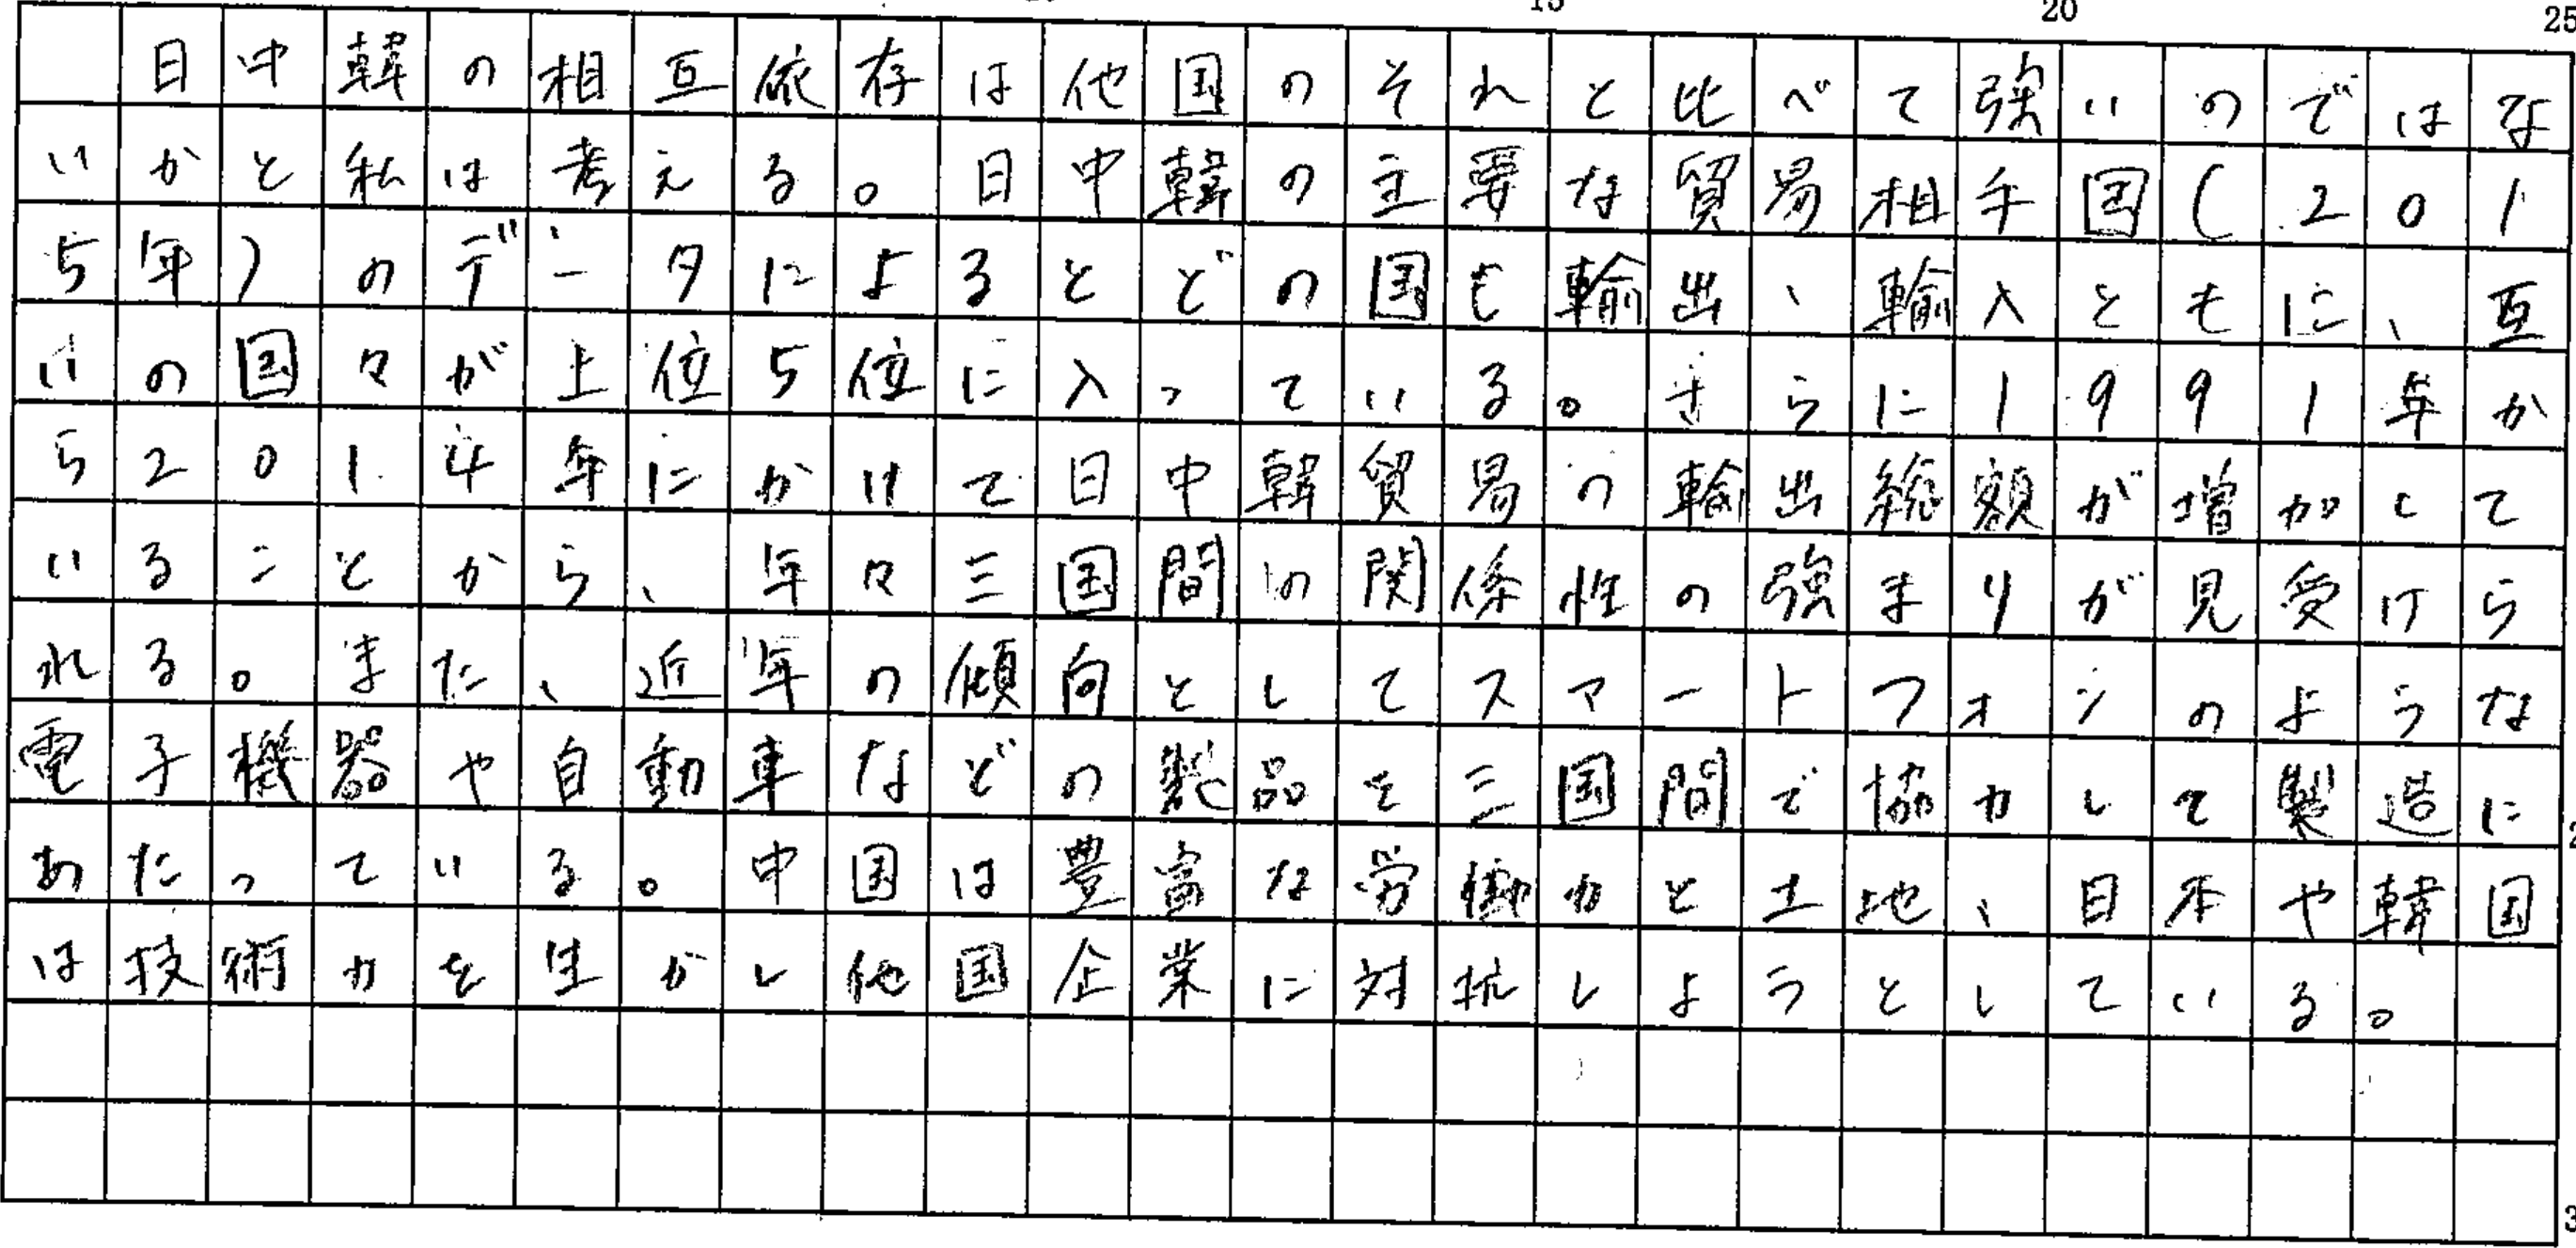　日中韓の相互依存は他国のそれと比べて強いのではないかと私は考える。日中韓の主要な貿易相手国（２０１５年）のデータによるとどの国も輸出・輸入ともに、互いの国々が上位５位に入っている。さらに１９９１年から２０１４年にかけて日中韓貿易の輸出総額が増加していることから、年々三国間の関係性の強まりが見受けられる。また、近年の傾向としてスマートフォンのような電子機器や自動車などの製品を三国間で協力して製造にあたっている。中国は豊富な労働力と土地、日本や韓国は技術力を生かし他国企業に対抗しようとしている。
